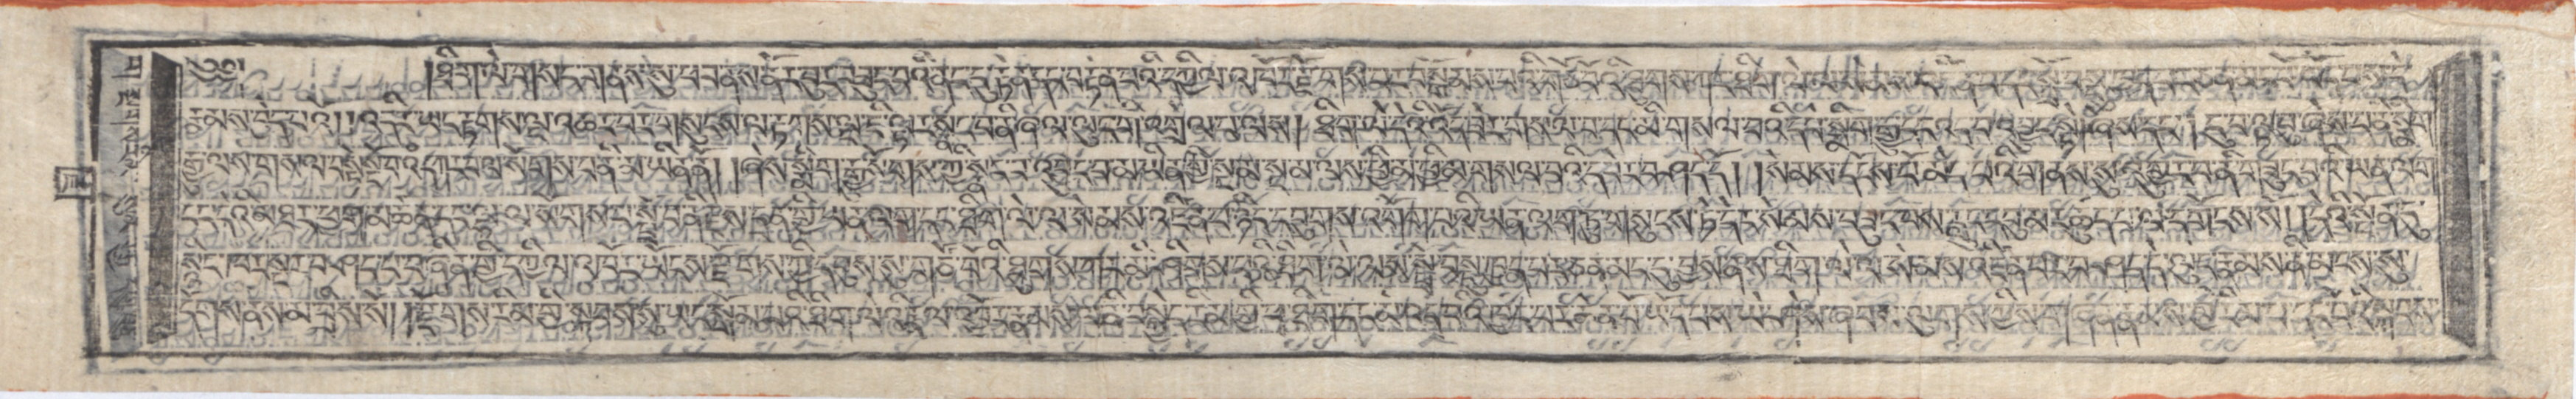༄༅། །ཐིག་ལེ་གསང་གནས་སུ་ཕབ་ནས་ནོར་བུར་བཟུང་བའི་ནང་དུ་རྟེན་དང་བརྟེན་པའི་དཀྱིལ་འཁོར་རྫོགས་པར་བསྒོམས་པའི་གཙོ་བོའི་ཐུགས་ཀར་ཐིག་ལེ་ལ་སེམས་འཛིན་པ་དང་སྤྲོ་བསྡུ་ཁྱད་པར་ཅན་མང་པོ་ཡོད་པས་དེ་
རྣམས་བྱེད་པའོ། །འདིར་ཡང་རྟགས་ལྔ་འཆར་བར་གསུངས་ལ་རྟགས་ལྔ་ཇི་ལྟར་སྣང་བ་ནི་ཞལ་ལུང་གི་འགྲེལ་པ་ལས། ཐིག་ལེ་དེའི་འོད་ཟེར་གསལ་བ་དང་མི་གསལ་བའི་དཔེ་སྨིག་རྒྱུ་དང་འདྲ་བ་འབྱུང་སྟེ། ཞེས་དང་། དུ་བ་ལྟ་བུ་ཞེས་པ་ནི་སྨིག་
རྒྱུ་ལས་གསལ་བསྟེ་སྔོ་བའམ་དཀར་བ་ལ་སོགས་པ་ནི་མ་ཡིན་ནོ། །ཞེས་སྨིག་རྒྱུ་སོགས་ཀྱི་སྣང་བ་འབྱུང་བ་མ་ཡིན་གྱི་སྔ་མ་སྔ་མ་ལས་ཕྱི་མ་ཕྱི་མ་གསལ་བའི་དཔེར་བཤད་དོ། །སེམས་དངོས་པོ་མེད་པའི་གནས་སུ་འགྱུར་བ་ནི་གཟུང་བའི་ཡན་ལག་
དང་དེའི་མཐར་ཕྱག་མཚན་དང་ལྷ་ལ་སོགས་པ་སྤྲོ་བ་ནི་རྗེས་དྲན་གྱི་ཡན་ལག་དང་ཐིག་ལེ་ལ་སེམས་འཛིན་པ་ཉིད་དབུགས་འགོག་པའི་ཡན་ལག་ཏུ་གསུངས་ཏེ་དེར་སེམས་བཟུང་བས་རླུང་དབུ་མར་ཚུད་པ་ལ་དགོངས་སོ། །དེའི་སྔོན་དུ་
སྙིང་ཁར་སྔར་བཤད་པ་བཞིན་གྱི་དཀྱིལ་འཁོར་ཡོངས་རྫོགས་ཀྱི་དབུས་སུ་གཙོ་བོའི་ཐུགས་ཀར་མི་ཤིགས་པའི་ཐིག་ལེ་ལས་སྤྲོ་བསྡུ་ཁྱད་པར་ཅན་མང་དུ་བྱས་ནས་ཐིག་ལེ་ལ་སེམས་འཛིན་པར་བཤད་དེ་ལུང་རྣམས་ནི་མངས་སུ་
དོགས་ནས་མ་བྲིས་སོ། །རྫོགས་རིམ་གྱི་སྐབས་སུ་ཡང་སྒོམ་པའི་ཐིག་ལེའི་རྣལ་འབྱོར་རྣམས་ལ་ནི་བསྐྱེད་རིམ་གྱི་ཕྲ་ཐིག་དང་མི་འདྲ་བའི་ཁྱད་པར་ཆེན་པོ་ཡོད་པས་ཡེ་ཤེས་ཞབས་ལུགས་ཀྱིས་གཞན་རྣམས་གྱི་རིམ་པ་དང་པོའི་སྐབས་